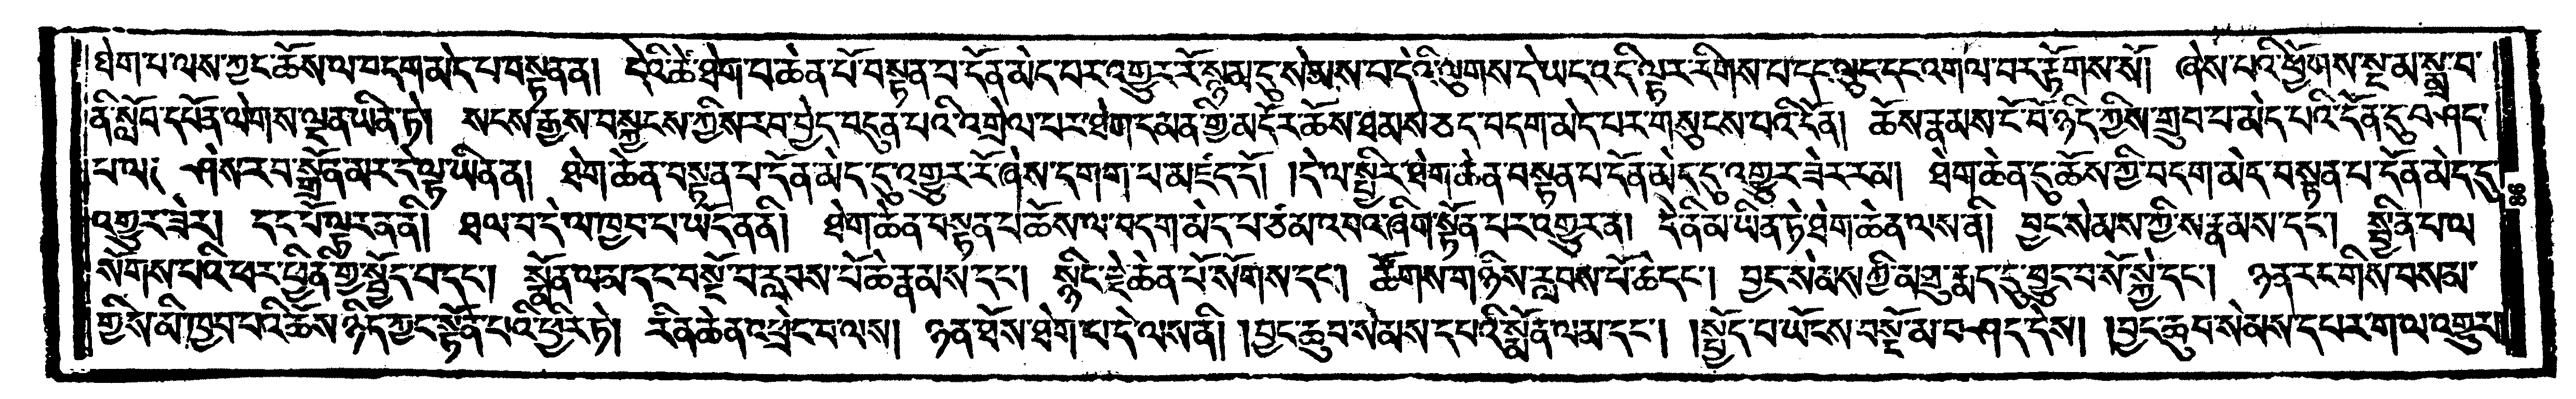ཐེག་པ་ལས་ཀྱང་ཆོས་ལ་བདག་མེད་པ་བསྟན་ན། དེའི་ཚེ་ཐེག་པ་ཆེན་པོ་བསྟན་པ་དོན་མེད་པར་འགྱུར་རོ་སྙམ་དུ་སེམས་པ་དེའི་ལུགས་དེ་ཡང་འདི་ལྟར་རིགས་པ་དང་ལུང་དང་འགལ་བར་རྟོགས་སོ། །ཞེས་པའི་ཕྱོགས་སྔ་མ་སྨྲ་བ་
ནི་སློབ་དཔོན་ལེགས་ལྡན་ཡིན་ཏེ། སངས་རྒྱས་བསྐྱངས་ཀྱིས་རབ་བྱེད་བདུན་པའི་འགྲེལ་པར་ཐེག་དམན་གྱི་མདོར་ཆོས་ཐམས་ཅད་བདག་མེད་པར་གསུངས་པའི་དོན། ཆོས་རྣམས་ངོ་བོ་ཉིད་ཀྱིས་གྲུབ་པ་མེད་པའི་དོན་དུ་བཤད་
པ་ལ། ཤེས་རབ་སྒྲོན་མར་དེ་ལྟ་ཡིན་ན། ཐེག་ཆེན་བསྟན་པ་དོན་མེད་དུ་འགྱུར་རོ་ཞེས་དགག་པ་མཛད་དོ། །དེ་ལ་སྤྱིར་ཐེག་ཆེན་བསྟན་པ་དོན་མེད་དུ་འགྱུར་ཟེར་རམ། ཐེག་ཆེན་དུ་ཆོས་ཀྱི་བདག་མེད་བསྟན་པ་དོན་མེད་དུ་
འགྱུར་ཟེར། དང་པོ་ལྟར་ན་ནི། ཐལ་བ་དེ་ལ་ཁྱབ་པ་ཡོད་ན་ནི། ཐེག་ཆེན་བསྟན་པ་ཆོས་ལ་བདག་མེད་པ་ཙམ་འབའ་ཞིག་སྟོན་པར་འགྱུར་ན། དེ་ནི་མ་ཡིན་ཏེ་ཐེག་ཆེན་ལས་ནི། བྱང་སེམས་ཀྱི་ས་རྣམས་དང་། སྦྱིན་པ་ལ་
སོགས་པའི་ཕར་ཕྱིན་གྱི་སྤྱོད་པ་དང་། སྨོན་ལམ་དང་བསྔོ་བ་རླབས་པོ་ཆེ་རྣམས་དང་། སྙིང་རྗེ་ཆེན་པོ་སོགས་དང་། ཚོགས་གཉིས་རླབས་པོ་ཆེ་དང་། བྱང་སེམས་ཀྱི་མཐུ་རྨད་དུ་བྱུང་བ་སོ་སྐྱེ་དང་། ཉན་རང་གིས་བསམ་
གྱིས་མི་ཁྱབ་པའི་ཆོས་ཉིད་ཀྱང་སྟོན་པའི་ཕྱིར་ཏེ། རིན་ཆེན་འཕྲེང་བ་ལས། ཉན་ཐོས་ཐེག་པ་དེ་ལས་ནི། །བྱང་ཆུབ་སེམས་དཔའི་སྨོན་ལམ་དང་། །སྤྱོད་པ་ཡོངས་བསྔོ་མ་བཤད་དེས། །བྱང་ཆུབ་སེམས་དཔར་ག་ལ་འགྱུར།།